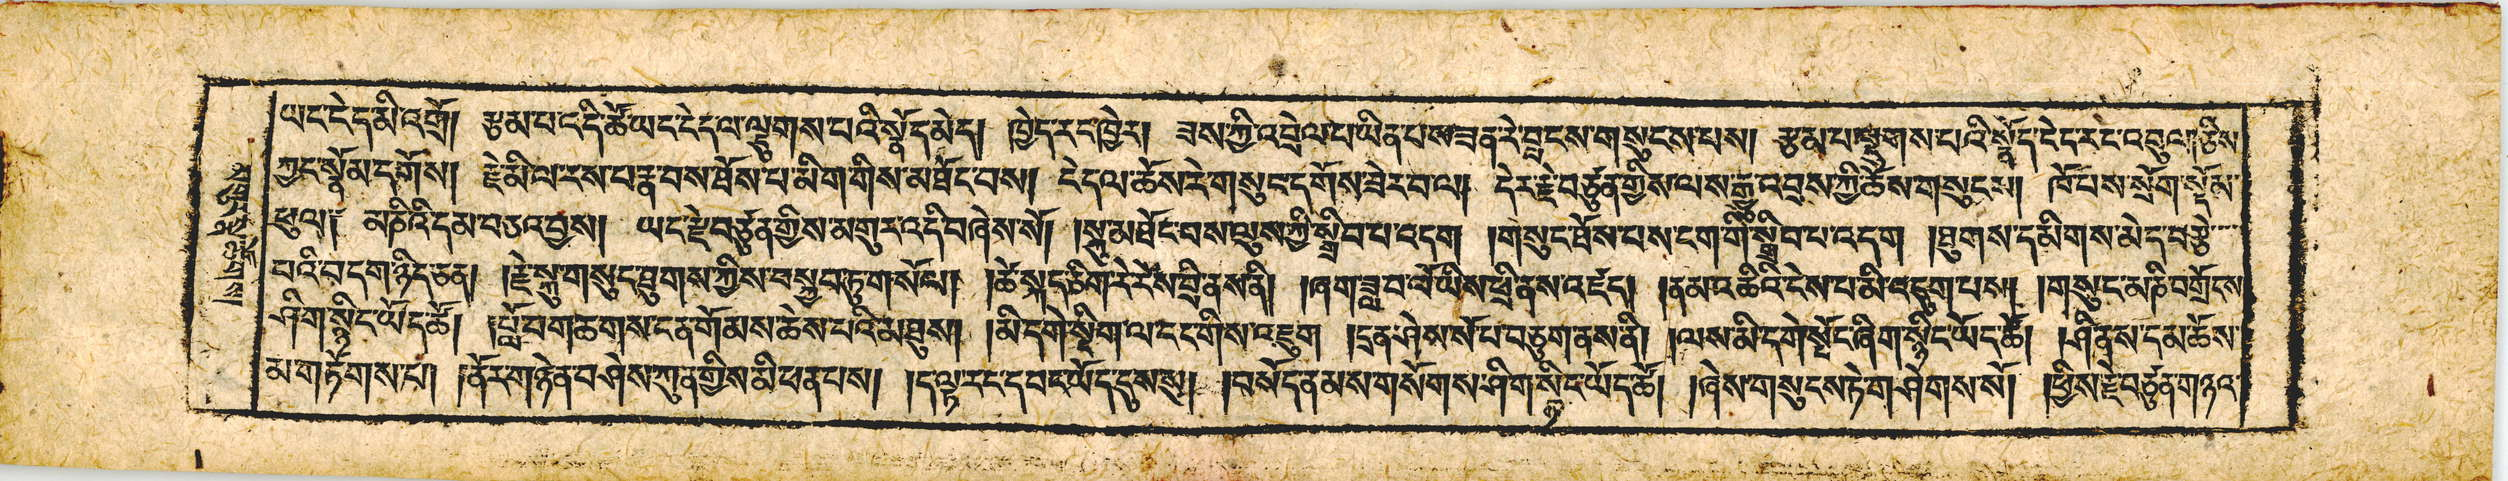ཡང་ངེད་མི་འགྲོ། རྩམ་པ་འདི་ཚོ་ཡང་ངེད་ལ་ལྡུགས་པའི་སྣོད་མེད། ཁྱེད་རང་ཁྱེར། ཟས་ཀྱི་འབྲེལ་པ་ཡིན་པས་ཟན་རེ་བླངས་གསུངས་པས། རྩམ་པ་ཕྱུགས་པའི་སྲུངས་པས། རྩམ་པ་ལྡུགས་པའི་སྣོད་ངེད་རང་འབུལ། ཅིས་
ཀྱང་སྣོམ་དགོས། རྗེ་མི་ལ་རས་པ་རྣ་བས་ཐོས་པ་མིག་གིས་མཐོང་བས། ངེད་ལ་ཆོས་རེ་གསུང་དགོས་ཟེར་བ་ལ། དེར་རྗེ་བཙུན་གྱིས་ལས་རྒྱུ་འབྲས་ཀྱི་ཆོས་གསུངས། ཁོ་བས་སྲོག་སྡོམ་
ཕུལ། མ་ཎིའི་དམ་བཅའ་བྱས། ཡང་རྗེ་བཙུན་གྱིས་མགུར་འདི་བཞེས་སོ། །སྐུ་མཐོང་བས་ལུས་ཀྱི་སྒྲིབ་པ་འདག། །གསུང་ཐོས་པས་ངག་གི་སྒྲིབ་པ་འདག །ཐུགས་དམིགས་མེད་བརྩེ་
བའི་བདག་ཉིད་ཅན། །རྗེ་སྐུ་གསུང་ཐུགས་ཀྱིས་བསྐྱབ་ཏུ་གསོལ། །ཚེ་སྐད་ཅིག་རེ་རེས་བྲི་ནས་ནི། །ཞག་ཟླ་བ་ལོ་ཡིས་ཕྲི་ནས་འཛོད། །ནམ་འཆིའི་ངེས་པ་མི་འདུག་པས། །གསུང་མ་ཎི་བགྲོངས་
ཤིག་སྙིང་ཡོད་ཚོ། །བློ་བག་ཆགས་ངན་གོམས་ཆེས་པའི་མཐུས། །མི་དགེ་སྡིག་ལ་ངང་གིས་འཇུག །དྲན་ཤེས་སོ་པ་བཅུག་ནས་ནི། །ལས་མི་དགེ་སྤོང་ཞིག་སྙིང་ཡོད་ཚོ། །ཤི་ནས་དམ་ཆོས་
མ་གཏོགས་པ། །ནོར་གཉེན་བཤེས་ཀུན་གྱིས་མི་ཕན་པས། །ད་ལྟ་རང་དབང་ཡོད་དུས་སུ། །བསོད་ནམས་གསོགས་ཤིག་སྙིང་ཡོད་ཚོ། །ཞེས་གསུངས་ཏེ་གཤེགས་སོ། །ཕྱིས་རྗེ་བཙུན་གཉའ་